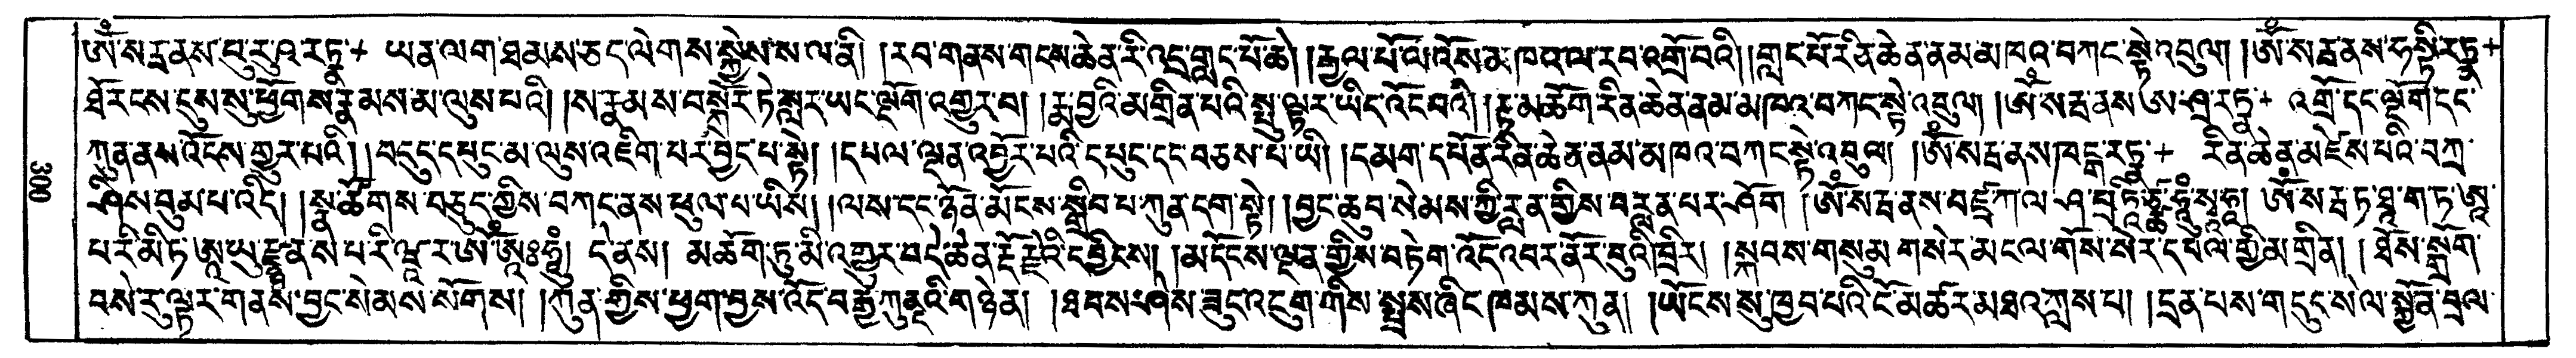ཨོཾ་སརྦ་ནས་པུ་རུ་ཥ་རཏྣ་྾་ཡན་ལག་ཐམས་ཅད་ལེགས་སྐྱེས་ས་ལ་ནི། །རབ་གནས་གངས་ཆེན་རི་འདྲ་གླང་པོ་ཆེ། །རྒྱལ་པོ་ལ་འོས་མཁའ་ལ་རབ་འགྲོ་བའི། །གླང་པོ་རིན་ཆེན་ནམ་མཁའ་བགང་སྟེ་འབུལ། །ཨོཾ་སརྦ་ནས་ཧ་སྟི་རཏྣ་
ཐོ་རངས་དུས་སུ་ཕྱོགས་རྣམས་མ་ལུས་པའི། །ས་རྣམས་བསྐོར་ཏེ་སླར་ཡང་ལྡོག་འགྱུར་བ། །རྨ་བྱའི་མགྲིན་པའི་སྤུ་ལྟར་ཡིད་འོང་བའི། །རྟ་མཆོག་རིན་ཆེན་ནམ་མཁའ་བཀང་སྟེ་འབུལ། །ཨོཾ་སརྦ་ནས་ཨ་ཤྭ་རཏྣ་྾་འགྲོ་དང་ལྡོག་དང་
ཀུན་ནས་འོངས་གྱུར་པའི། །བདུད་དཔུང་མ་ལུས་འཇིག་པར་བྱེད་པ་སྟེ། །དཔལ་ལྡན་འབྱོར་བའི་དཔུང་དང་བཅས་པ་ཡི། །དམག་དཔོན་རིན་ཆེན་ནམ་མཁའ་བཀང་སྟེ་འབུལ། །ཨོཾ་སརྦ་ནས་ཁངྒ་རཏྣ་྾་རིན་ཆེན་མཛེས་པའི་བཀྲ་
ཤིས་བུམ་པ་འདི། །སྣ་ཚོགས་བཅུད་ཀྱིས་བཀང་ནས་ཕུལ་བ་ཡིས། །ལས་དང་ཉོན་མོངས་སྒྲིབ་པ་ཀུན་དག་སྟེ། །བྱང་ཆུབ་སེམས་ཀྱི་རླན་གྱིས་བརླན་པར་ཤོག །ཨོཾ་སརྦ་ནས་བཛྲ་ཀ་ལ་ཤ་པྲ་ཏཱིཙྪ་ཧཱུཾ་སྭཱཧཱ། ཨོཾ་སརྦ་ཏ་ཐཱ་ག་ཏ་ཨཱ་
པ་རི་མི་ཏ་ཨཱ་ཡུརྫྙཱ་ན་ས་བ་རི་ཝཱ་ར་ཨོཾ་ཨཱཿཧཱུཾ། དེ་ནས་མཆོག་ཏུ་མི་འགྱུར་བདེ་ཆེན་རྡོ་རྗེའི་དབྱིངས། མདོངས་ལྡན་གྱིས་བཏེག་འོད་འབར་ནོར་བུའི་ཁྲིར། །སྐབས་གསུམ་གསེར་མངལ་གོས་སེར་དཔལ་གྱི་མགྲིན། །ཐོས་སྒྲོག་
བསེ་རུ་ལྟར་གནས་བྱང་སེམས་སོགས། །ཀུན་གྱིས་ཕྱག་བྱས་འོད་བརྒྱ་ཀུནྡའི་གཉེན། །ཐབས་ཤེས་ཟུང་འཇུག་གིས་སྤྲས་ཞིང་ཁམས་ཀུན། །ཡོངས་སུ་ཁྱབ་པའི་ངོ་མཚར་མཐའ་ཀླས་པ། །དྲན་པས་གདུང་སེལ་སྐྱོན་བྲལ་